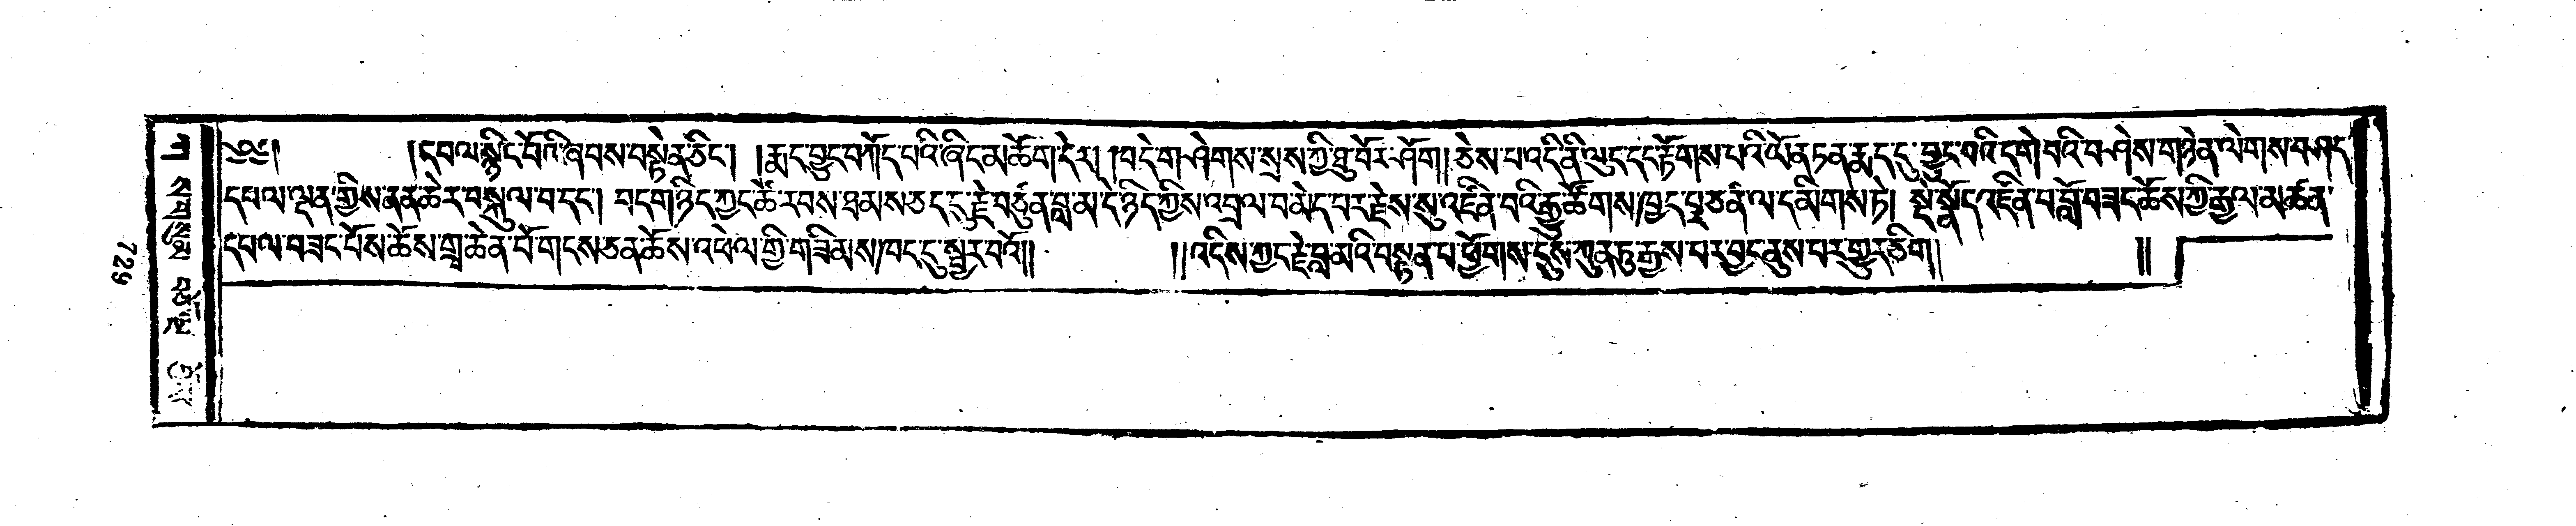༄༅། །དཔལ་སྙིང་པོའི་ཞབས་བསྟེན་ཅིང་། །རྨད་བྱུང་བཀོད་པའི་ཞིང་མཆོག་དེར། །བདེ་གཤེགས་སྲས་ཀྱི་ཐུ་བོར་ཤོག །ཅེས་པ་འདི་ནི་ལུང་དང་རྟོགས་པའི་ཡོན་ཏན་རྨད་དུ་བྱུང་བའི་དགེ་བའི་བཤེས་གཉེན་ལེགས་བཤད་
དཔལ་ལྡན་གྱིས་ནན་ཆེར་བསྐུལ་བ་དང་། བདག་ཉིད་ཀྱང་ཚེ་རབས་ཐམས་ཅད་དུ་རྗེ་བཙུན་བླ་མ་དེ་ཉིད་ཀྱིས་འབྲལ་བ་མེད་པར་རྗེས་སུ་འཛིན་པའི་རྒྱུ་ཚོགས་ཁྱད་པར་ཅན་ལ་དམིགས་ཏེ། སྡེ་སྣོད་འཛིན་པ་བློ་བཟང་ཆོས་ཀྱི་རྒྱལ་མཚན་
དཔལ་བཟང་པོས་ཆོས་གྲྭ་ཆེན་པོ་གངས་ཅན་ཆོས་འཕེལ་གྱི་གཟིམས་ཁང་དུ་སྦྱར་བའོ།། །།འདིས་ཀྱང་རྗེ་བླ་མའི་བསྟན་པ་ཕྱོགས་དུས་ཀུན་ཏུ་རྒྱས་པར་བྱེད་ནུས་པར་གྱུར་ཅིག ། །།